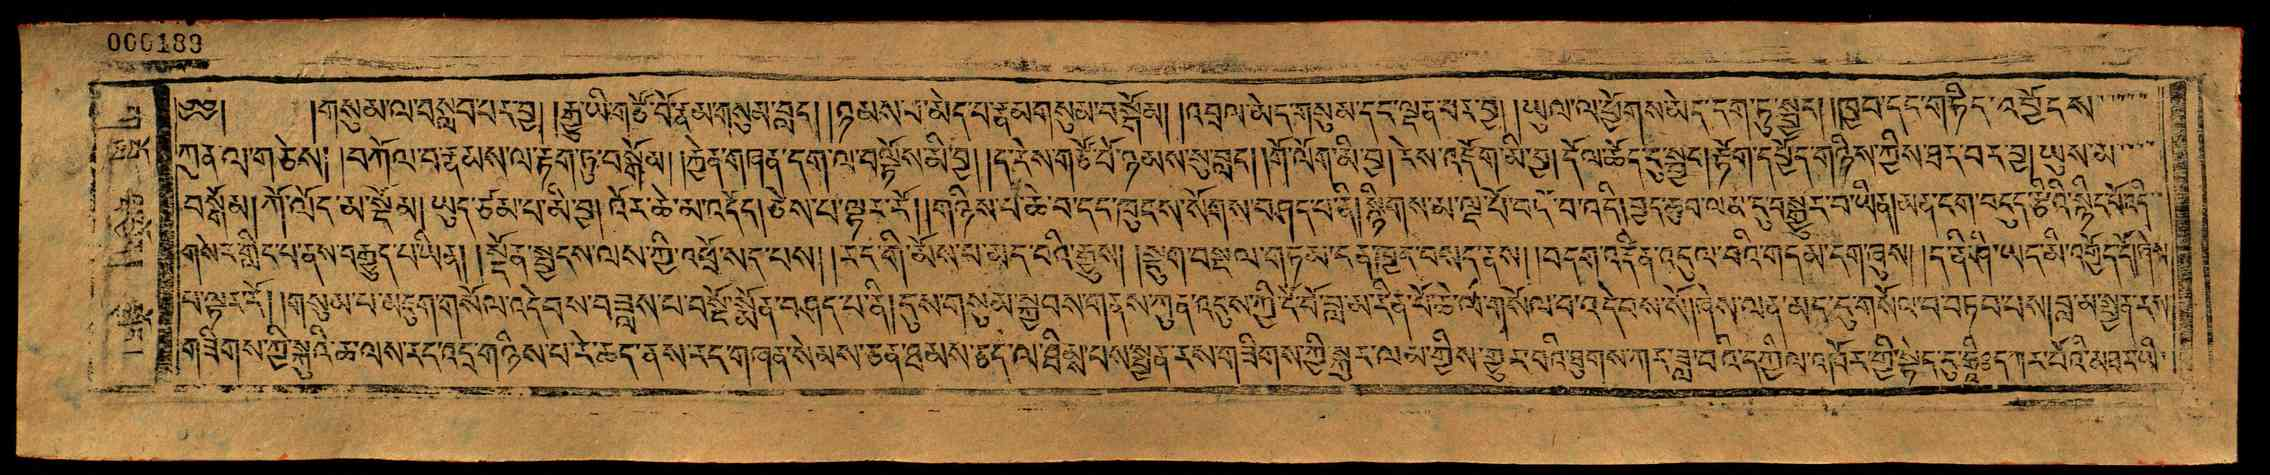༄༅། །གསུམ་ལ་བསླབ་པར་བྱ། །རྒྱུ་ཡི་གཙོ་བོ་རྣམ་གསུམ་བླང་། །ཉམས་པ་མེད་པ་རྣམ་གསུམ་བསྒོམ། །འབྲལ་མེད་གསུམ་དང་ལྡན་པར་བྱ། །ཡུལ་ལ་ཕྱོགས་མེད་དག་ཏུ་སྐྱང་། །ཁྱབ་དང་གཏིང་འབྱོངས་
ཀུན་ལ་གཅེས། །བཀོལ་བ་རྣམས་ལ་རྟག་ཏུ་བསྒོམ། །རྐྱེན་གཞན་དག་ལ་བལྟོས་མི་བྱ། །ད་རེས་གཙོ་བོ་ཉམས་སུ་བླང་། གོ་ལོག་མི་བྱ། རེས་འཇོག་མི་བྱ། དོལ་ཆོད་དུ་སྦྱར། རྟོག་དཔྱོད་གཉིས་ཀྱིས་ཐར་བར་བྱ། ཡུས་མ་
བསྒོམ། ཀོ་ལོང་མ་སྡོམ། ཡུང་ཙམ་པ་མི་བྱ། འོར་ཆེ་མ་འདོད། ཅེས་པ་ལྟར་རོ། །གཉིས་པ་ཆེ་བ་དང་ཁུངས་སོགས་བཤད་པ་ནི། སྙིགས་མ་ལྔ་པོ་བདོ་བ་འདི། །བྱང་ཆུབ་ལམ་དུ་བསྒྱུར་བ་ཡིན། །མན་ངག་བདུད་རྩིའི་སྙིང་པོ་འདི་
གསེར་གླིང་པ་ནས་བརྒྱུད་པ་ཡིན། །སྔོན་སྦྱངས་ལས་ཀྱི་འཕྲོ་སད་པས། །རང་གི་མོས་པ་མང་བའི་རྒྱུས། །སྡུག་བསྔལ་གཏམ་ངན་ཁྱད་བསད་ནས། །བདག་འཛིན་འདུལ་བའི་གདམ་ངག་ཞུས། །ང་ནི་ཤི་ཡང་མི་འགྱོད་དོ། ཞེས་
པ་ལྟར་རོ། །གསུམ་པ་མཇུག་གསོལ་འདེབས་བཟླས་པ་བསྔོ་སྨོན་བཤད་པ་ནི། དུས་གསུམ་སྐྱབས་གནས་ཀུན་འདུས་ཀྱི་ངོ་བོ་བླ་མ་རིན་པོ་ཆེ་ལ་གསོལ་བ་འདེབས་སོ། ཞེས་ལན་མང་དུ་གསོལ་བ་བཏབ་པས། བླ་མ་སྤྱན་རས་
གཟིགས་ཀྱི་སྐུའི་ཆ་ལས་རང་འདྲ་གཉིས་པ་རེ་ཆད་ནས་རང་གཞན་སེམས་ཅན་ཐམས་ཅད་ལ་ཐིམས་པས་སྤྱན་རས་གཟིགས་ཀྱི་སྐུར་ལམ་གྱིས་གྱུར་པའི་ཐུགས་ཀར་ཟླ་བའི་དཀྱིལ་འཁོར་གྱི་སྟེང་དུ་ཧྲཱིཿ དཀར་པོའི་མཐར་ཡི་